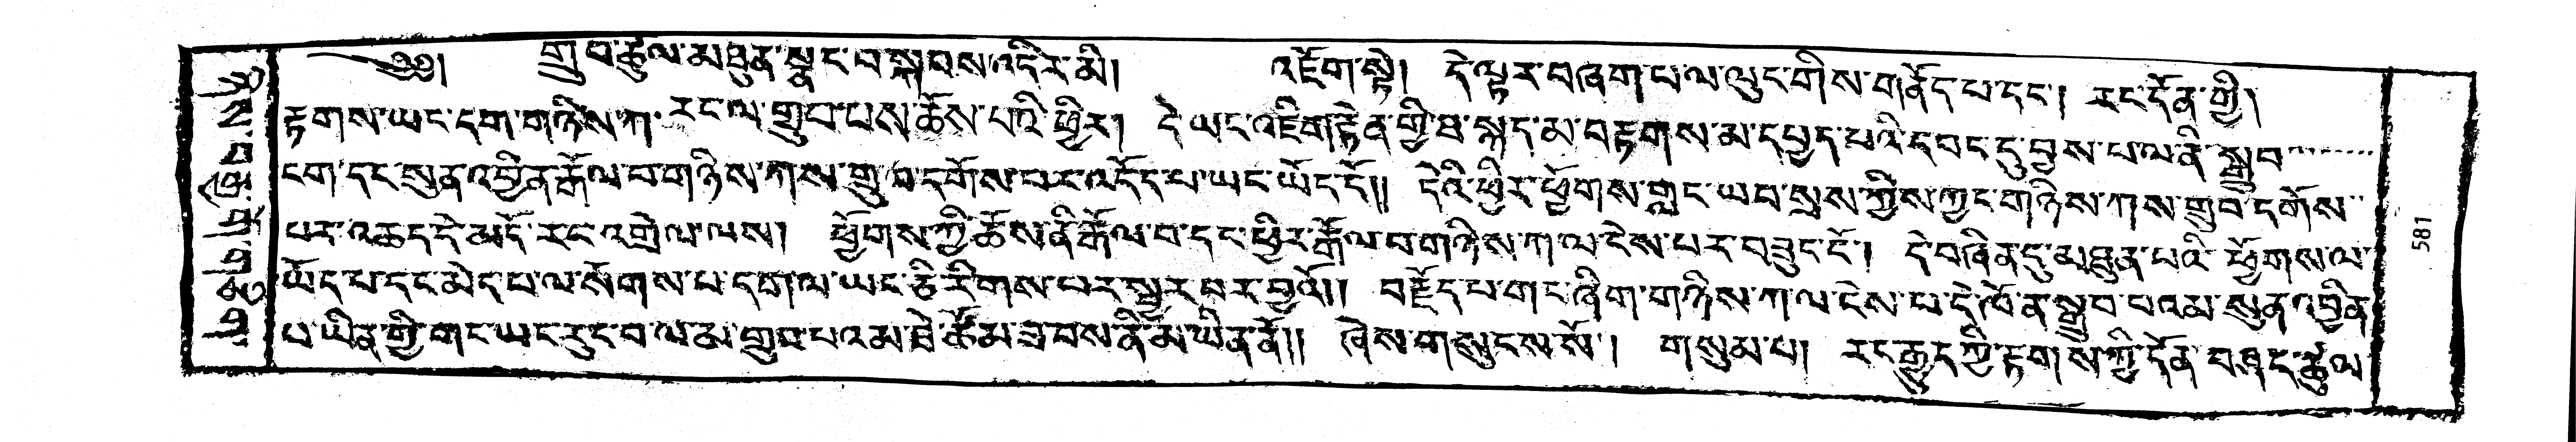༄༅། །གྲུབ་ཚུལ་མཐུན་སྣང་བ་སྐབས་འདིར་མི། འཇོག་སྟེ། དེ་ལྟར་བཞག་པ་ལ་ལུང་གིས་གནོད་པ་དང་། རང་དོན་གྱི།
རྟགས་ཡང་དག་གཉིས་ཀ་རང་ལ་གྲུབ་པས་ཆོས་པའི་ཕྱིར། དེ་ཡང་འཇིག་རྟེན་གྱི་ཐ་སྙད་མ་བརྟགས་མ་དཔྱད་པའི་དབང་དུ་བྱས་པ་ལ་ནི་སྒྲུབ་
ངག་དང་སུན་འབྱིན་རྒོལ་བ་གཉིས་ཀས་གྲུབ་དགོས་པར་འདོད་པ་ཡང་ཡོད་དོ། །དེའི་ཕྱིར་ཕྱོགས་གླང་ཡབ་སྲས་ཀྱིས་ཀྱང་གཉིས་ཀས་གྲུབ་དགོས་
པར་འཆད་དེ་མདོ་རང་འགྲེལ་ལས། ཕྱོགས་ཀྱི་ཆོས་ནི་རྒོལ་བ་དང་ཕྱིར་རྒོལ་བ་གཉིས་ཀ་ལ་ངེས་པར་བཟུང་ངོ། དེ་བཞིན་དུ་མཐུན་པའི་ཕྱོགས་ལ་
ཡོད་པ་དང་མེད་པ་ལ་སོགས་པ་དག་ལ་ཡང་ཅི་རིགས་པར་སྦྱར་བར་བྱའོ། །བརྗོད་པ་གང་ཞིག་གཉིས་ཀ་ལ་ངེས་པ་དེ་ཁོ་ན་སྒྲུབ་པའམ་སུན་འབྱིན་
པ་ཡིན་གྱི་གང་ཡང་རུང་བ་ལ་མ་གྲུབ་པའམ་ཐེ་ཚོམ་ཟ་བས་ནི་མ་ཡིན་ནོ། །ཞེས་གསུངས་སོ། གསུམ་པ། རང་རྒྱུད་ཀྱི་རྟགས་ཀྱི་དོན་བཤད་ཚུལ་